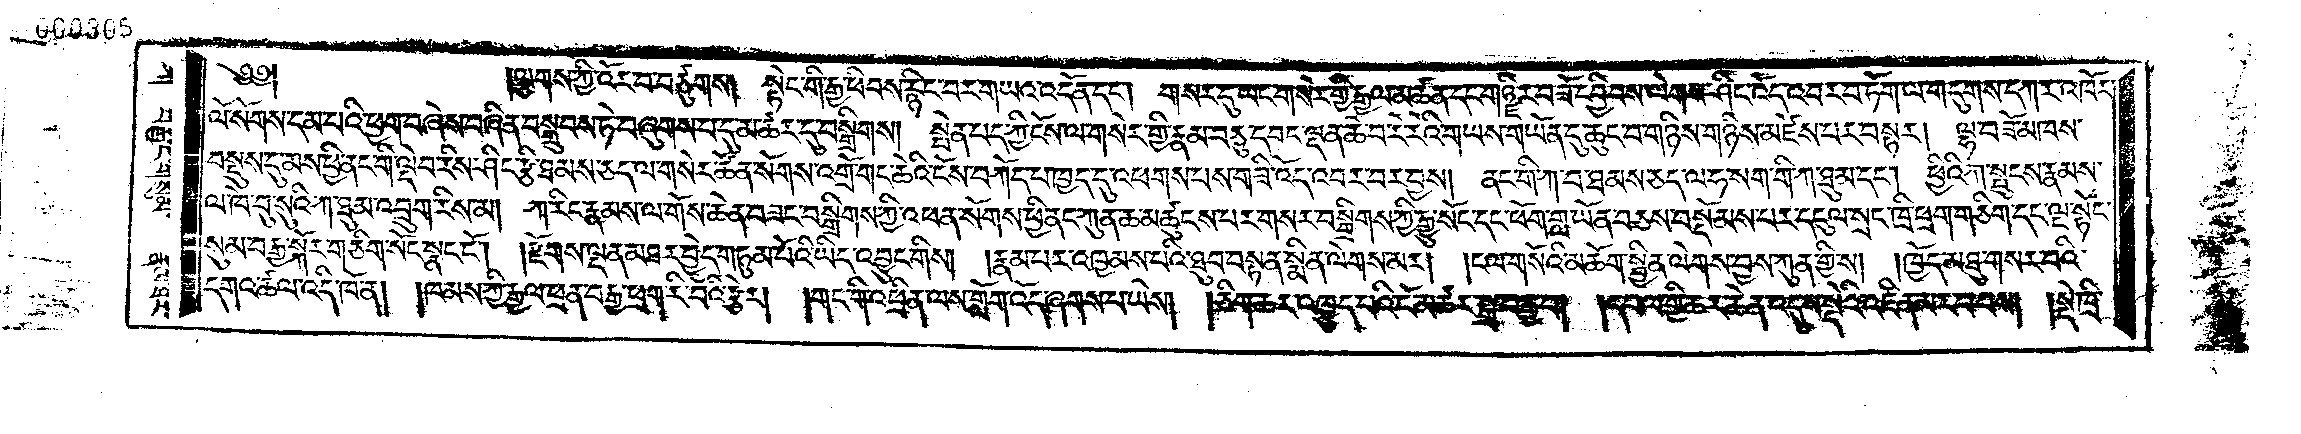༄༅། །ལྕགས་ཀྱི་འོར་བ་བཙུགས། སྟེང་གི་རྒྱ་ཕིབས་རྙིང་བར་གཡའ་འདོན་དང་། གསར་དུ་ཡང་གསེར་གྱི་རྒྱལ་མཚན་དང་གཉིཛར་བཟོ་དབྱིབས་ལེགས་ཤིང་འོད་འབར་བ་ཏོག་ལ་གདུགས་དཀར་འཁོར་
ལོ་སོགས་དམ་པའི་ཕྱག་བཞེས་བཞིན་བསྒྲུབས་ཏེ་བཞུགས་པ་དུ་མ་ཚར་དུ་བསྒྲིགས། སྤེན་པད་ཀྱི་ངོས་ལ་གསེར་གྱི་རྣམ་བཅུ་དབང་ལྡན་ཆེ་བ་རེ་རེའི་གཡས་གཡོན་དུ་ཆུང་བ་གཉིས་གཉིས་མཛེས་པར་བསྟར། ལྷ་བཟོ་མཁས་
བསྡུས་དུ་མས་ཕྱི་ནང་གི་ལྡེབ་རིས་ཤིང་རྩི་ཐམས་ཅད་ལ་གསེར་ཚོན་སོགས་འགྲོ་གང་ཆེའི་ངོས་བཀོད་པ་ཁྱད་དུ་འཕགས་པས་གཟི་འོད་འབར་བར་བྱས། ནང་གི་ཀ་བ་ཐམས་ཅད་ལ་ཧ་སག་གི་ཀ་ཐུམ་དང་། ཕྱིའི་ཀ་སྤུངས་རྣམས་
ལ་ཁེ་བུ་སུའི་ཀ་ཐུམ་འབྲུག་རིས་མ། ཀ་རིང་རྣམས་ལ་གོས་ཆེན་བཟང་བསྒྲིགས་ཀྱི་འཕན་སོགས་ཕྱི་ནང་ཀུན་ཆ་མཚུངས་པར་གསར་བསྒྲིགས་ཀྱི་རྒྱུ་སོང་དང་ཕོག་གླ་ཡོན་བཅས་བསྡོམས་པར་དངུལ་སྲང་ཁྲི་ཕྲག་གཅིག་དང་ལྔ་སྟོང་
སུམ་བརྒྱ་སྐོར་གཅིག་སོང་སྣང་ངོ། །རྫོགས་ལྡན་མཐར་བྱེད་གཏུམ་པོའི་ཡིད་འབྱུང་གིས། །རྣམ་པར་འཁྱམས་པའི་ཐུབ་བསྟན་སྨིན་ལེགས་མར། །ངལ་གསོའི་མཆོག་སྦྱིན་ལེགས་བྱས་ཀུན་གྱིས། །ཁྱོད་མཐུ་གསར་བའི་
དགའ་ཚལ་འདི་ཁོ་ན། །ཁམས་ཀྱི་རྒྱལ་ཕྲན་བརྒྱ་ཕྲག་རི་བོའི་རྩེར། །གང་གི་འཕྲིན་ལས་གློག་འོད་ཞགས་པ་ཡིས། །ཅིག་ཆར་འཁྱུད་པའི་ངོ་མཚར་སྒྲ་བརྒྱབ། །དཔལ་གྱི་ཆར་ཆེན་འདུས་སྡེའི་འཛིན་མར་བབས། །སྡེ་ཁྲི་